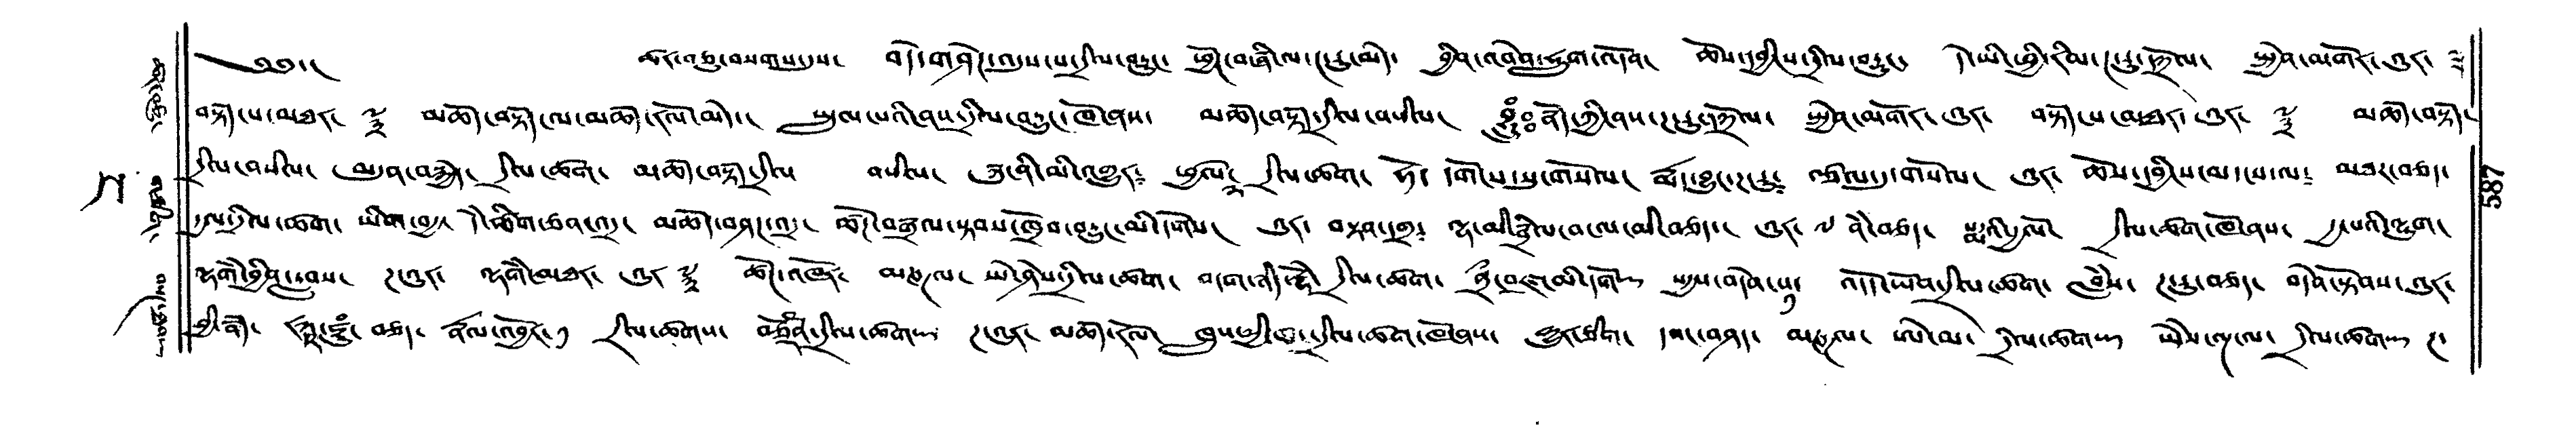ཚར་བཅུ་གསོག་དུས། བདེ་གཤེགས་འདུས་པ་དྲིལ་རྡུང་། ཕྱོགས་བཞི་ལ་ཌཱ་རུ་མེད། བྱིན་འབེབས་ཧྲུག་འདོན། ཆོས་དབྱིངས༴ དྲིལ་རྡུང་། དེ་ཡི་ཕྱི་རིམ༴ ཌཱ་རུ་དཀྲོལ། སྤྱན་འདྲེན་མགོར། འུར། 
བསྟོད་པ་མཐར། མཆོད་བསྟོད་ལ་མཆོད་རོལ་མེད། སྤྲུལ་པའི༴ ནས་དྲིལ་རྡུང་ཁོ་ནས། མཆོད་བསྟོད་དྲིལ་བསིལ། བྷྲུྃཿསྣོད་ཀྱི༴ ནས་ཌ་རུ་དཀྲོལ། སྤྱན་འདྲེན་མགོར། འུར། བསྟོད་པ་མཐར། འུར་བདུན་གསུམ། མཆོད་བསྟོད་
དྲིལ་བསིལ། མདུན་བསྐྱེད། དྲིལ་ཚག མཆོད་བསྟོད་དྲིལ་བསིལ། སྐུ་ནི་མི་འགྱུར༴ ཕྱག་འཚལ༴ དྲིལ་ཚག ཧོཿ དགོངས་སུ་གསོལ༴ རྨད་བྱུང༴ ཌཱ་རུ། བསྩལ་དུ་གསོལ། འུར། ཆོས་དབྱིངས་མདངས་ལ༴ མཐར་བཅད་
རྒྱ་དྲིལ་ཚག ཡིག་བརྒྱ། དམ་ཚིག་ཅན༴ མཆོད་བཤགས་འདྲ། ཚོགས་བསྒྲལ་བསྟབ་ཁྲོབ་རྡུང་མི་དགོས། འུར། བསྟན་དགྲ༴ ལྷ་མི་སྦྲེལ་བ་ལ་མི་བཅད། འུར་བདུན། ནམ་བཅད། པདྨའི་རྒྱལ་པོ༴ དྲིལ་ཚག་ཁོ་ནས། རྒྱ་པའི༴ ལྷུག 
ལྷག་མ་བྱིན་རླབས། ཌཱ་འུར། ལྷག་མ་མཐར། འུར་བདུན་གསུམ། ཚོགས་འཁོར། མཎྜལ། ཡེ་ཤེས༴ དྲིལ་ཆག བདག་ཉིད་རྡོ་རྗེ༴ དྲིལ་ཚག ནྲྀ་བཛྲ༴ མི་དགོས། སངས་རྒྱས་བདེན་པ༴ འདོད་ཡོན༴ དྲིལ་ཚག བླ་མས་ཌཱ་རུ་བཅད། བདེན་སྟོབས། འུར། 
ཕྱི་སྣོད། རཀྵ་ཧཱུྃ། བཅད། རྣལ་འབྱོར༴ དྲིལ་ཚག བཅོམ་ལྡན་དྲིལ་ཚག ཌཱ་འུར། མཆོད་རོལ། ཁྲུས་ཀྱི༴ དྲིལ་ཚག་ཁོ་ནས། གྱུར་ཅིག དབང་བཤད། མཎྜལ། ཨེ་མ། དྲིལ་ཚག ཡེ་ཤེས་ལྔ་ལ༴ དྲིལ་ཚག ཌཱ་